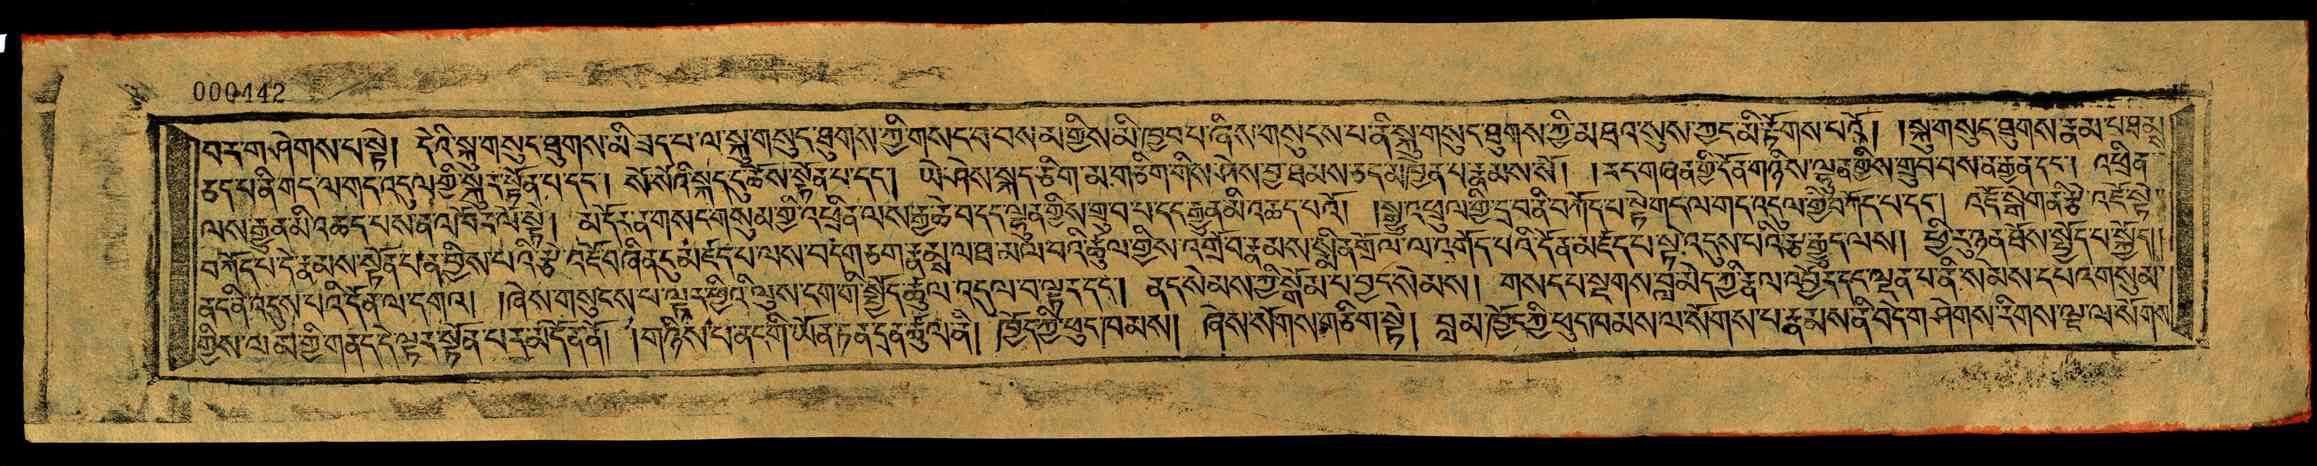བར་གཤེགས་པ་སྟེ། དེའི་སྐུ་གསུང་ཐུགས་མི་ཟད་པ་ལ་སྐུ་གསུང་ཐུགས་ཀྱི་གསང་བ་བསམ་གྱིས་མི་ཁྱབ་པ་ཞེས་གསུངས་པ་ནི་སྐུ་གསུང་ཐུགས་ཀྱི་མཐའ་སུས་ཀྱང་མི་རྟོགས་པའོ། །སྐུ་གསུང་ཐུགས་རྣམ་པ་ཐམས་
ཅད་པ་ནི་གང་ལ་གང་འདུལ་གྱི་སྐུར་སྟོན་པ་དང་། སོ་སོའི་སྐད་དུ་ཆོས་སྟོན་པ་དང་། ཡེ་ཤེས་སྐད་ཅིག་མ་གཅིག་གིས་ཤེས་བྱ་ཐམས་ཅད་མཁྱེན་པ་རྣམས་སོ། །རང་གཞན་གྱི་དོན་གཉིས་ལྷུན་གྱིས་གྲུབ་པས་ན་རྒྱན་དང་། འཕྲིན་
ལས་རྒྱུན་མི་འཆད་པས་ན་འཁོར་ལོ་སྟེ། མདོར་ན་གསང་གསུམ་གྱི་འཕྲིན་ལས་རྒྱ་ཆེ་བ་དང་ལྷུན་གྱིས་གྲུབ་པ་དང་རྒྱུན་མི་འཆད་པའོ། །སྒྱུ་འཕྲུལ་གྱི་དྲ་བ་ནི་བཀོད་པ་སྟེ་གང་ལ་གང་འདུལ་གྱི་བཀོད་པ་དང་། འཇོ་སྒེག་ནི་རྩེ་འཇོ་སྟེ་
བཀོད་པ་དེ་རྣམས་སྟོན་པ་ན་བྱིས་པའི་རྩེ་འཇོ་བཞིན་དུ་མཛད་པ་ལས་བདག་ཅག་རྣམས་ལ་ཐ་མལ་བའི་ཚུལ་གྱིས་འགྲོ་བ་རྣམས་སྨིན་གྲོལ་ལ་འགོད་པའི་དོན་མཛད་པ་སྟེ་འདུས་པའི་རྩ་རྒྱུད་ལས། ཕྱི་རུ་ཉན་ཐོས་སྤྱོད་པ་སྐྱོང་། །
ནང་ནི་འདུས་པའི་དོན་ལ་དགའ། །ཞེས་གསུངས་པ་ལྟར་ཕྱིའི་ལུས་ངག་གི་སྤྱོད་ཚུལ་འདུལ་བ་ལྟར་དང་། ནང་སེམས་ཀྱི་སྒོམ་པ་བྱང་སེམས། གསང་བ་སྔགས་བླ་མེད་ཀྱི་རྣལ་འབྱོར་དང་ལྡན་པ་ནི་སེམས་དཔའ་གསུམ་
གྱིས་ལམ་གྱི་གནད་དེ་ལྟར་སྟོན་པར་མངོན་ནོ། །གཉིས་པ་ནང་གི་ཡོན་ཏན་དྲན་ཚུལ་ནི། ཁྱོད་ཀྱི་ཕུང་ཁམས། ཞེས་སོགས་གཅིག་སྟེ། བླ་མ་ཁྱོད་ཀྱི་ཕུང་ཁམས་ལ་སོགས་པ་རྣམས་ནི་བདེ་གཤེགས་རིགས་ལྔ་ལ་སོགས་